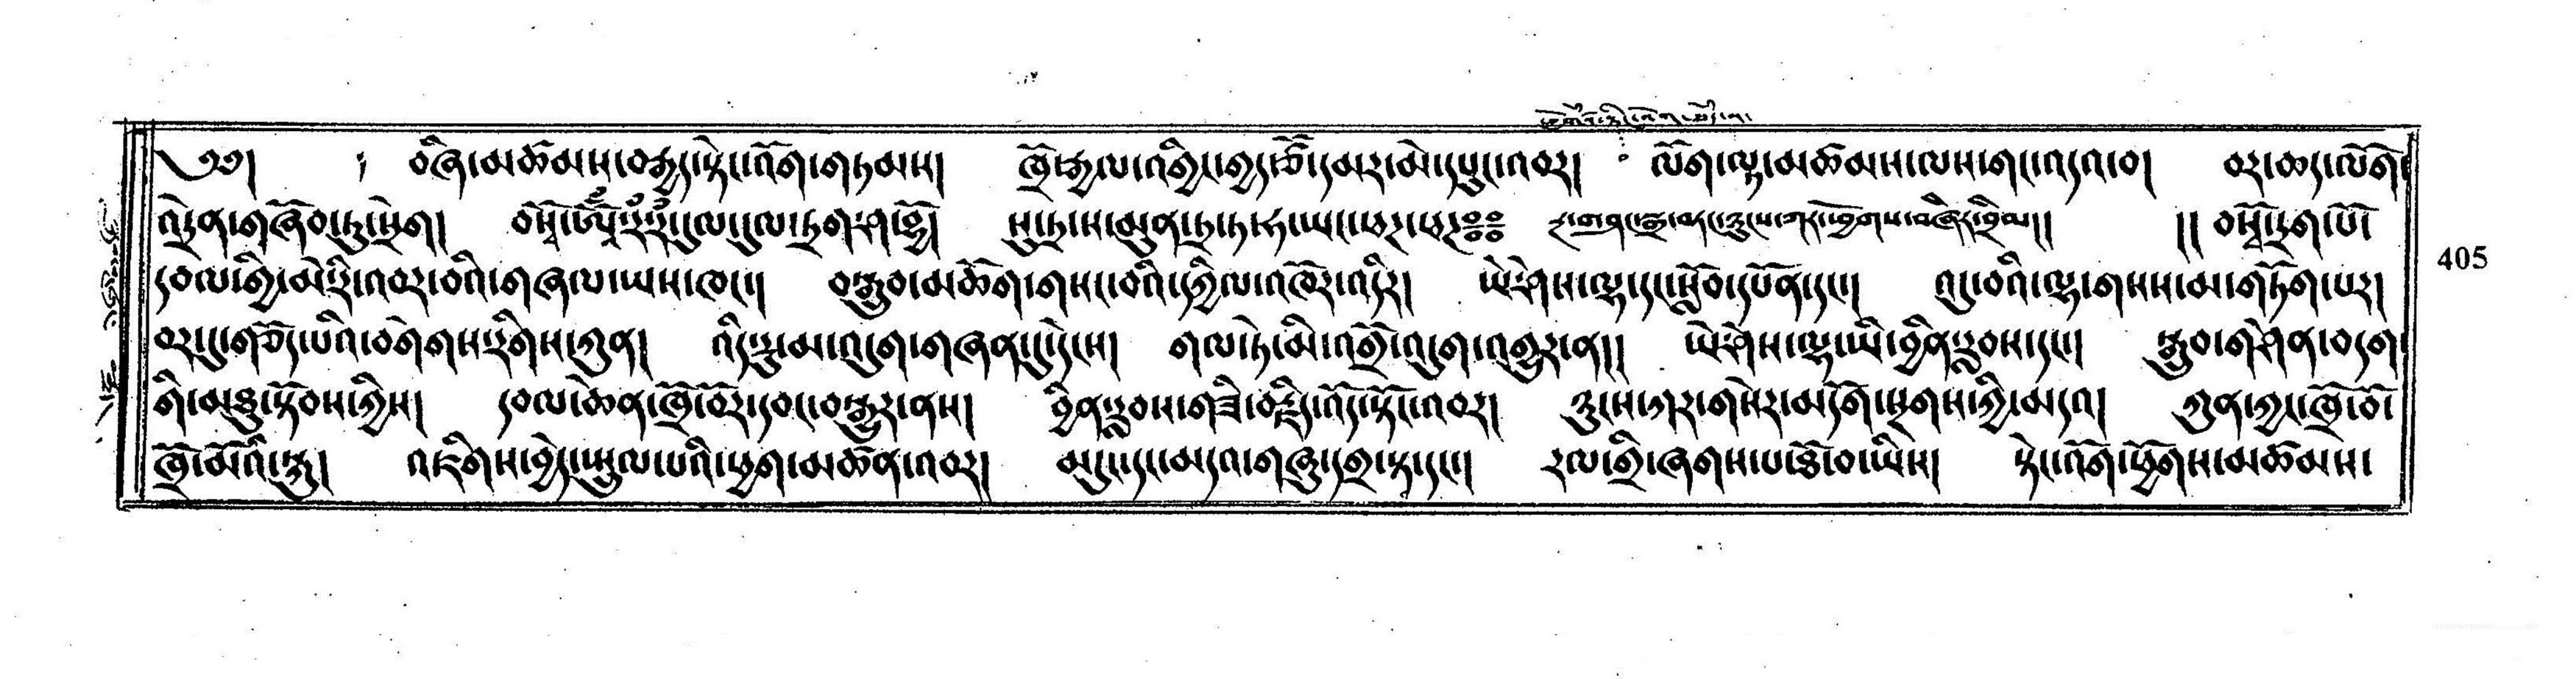བཞི་མཚམས་བརྒྱད་སྟེང་འོག་གཏམས། {415}ཁྲོ་རྒྱལ་འགྱིང་གྱད་ཙོ་དམར་མེ་དཔུང་འབར། ཕྱོགས་མཚམས་སྟེང་འོག་ཐམས་ཅད་ན། ལོག་ལྟ་མཚམས་ལས་གང་འདའ་བ། བར་ཆད་ལོག་
འདྲེན་གཞོབ་ཏུ་སྲེག །བསྭོ་ཨཱོཾ་རཾ་རཾ་དུལ་དུལ་ཏྲག་ཤ་བྷྱོ། སུ་ཏྲ་ས་མུན་ཏྲ་ཏ་ཧ་ཡང་ཕཊ་ཕཊ༔༔ རྔ་གཤང་སྒྲ་བཏང་ཉུངས་ཀར་ཕྱོགས་བཞིར་བྲིམ།། །།བསྭོ་དྲག་པོ་
དབལ་གྱི་མེ་རི་འབར་བའི་གཞལ་ཡས་ཁང་།། བསྒྲུབ་མཆོག་གསང་བའི་དཀྱིལ་འཁོར་འདིར། ཡེ་ཤེས་ལྷ་དང་སློབ་དཔོན་དང་། འདུ་བའི་ལྷ་གསས་མ་གཏོག་པར། 
བར་དུ་གཅོད་པའི་བགེགས་རིགས་ཀུན། འདི་རུ་མ་འདུག་གཞན་དུ་དེངས། གལ་ཏེ་མི་འགྲོ་འདུག་འགྱུར་ན།། ཡེ་ཤེས་ལྷ་ཡི་བྱིན་རླབས་དང་། སྒྲུབ་གཤེན་བདག་
གི་མཐུ་སྟོབས་ཀྱིས། དབལ་ཆེན་ཁྲོ་བོར་དབང་བསྒྱུར་ནས། བྱིན་རླབས་གཟི་བརྗིད་འོད་སྟོང་འབར། ཉུངས་ཀར་གསེར་མདོག་སྔགས་ཀྱི་མདའ། ཀུན་ཀྱང་ཁྲོ་བོ་
ཁྲོ་མོའི་སྐུ། འཇིགས་བྱེད་སྤྲུལ་པའི་ཕྱག་མཚན་འབར། {416}མདུང་དང་མདའ་གཞུ་དགྲ་སྟྭ་དང་། རལ་གྲི་ཞགས་པ་ཐོ་བ་ཡིས། སྟེང་འོག་ཕྱོགས་མཚམས་